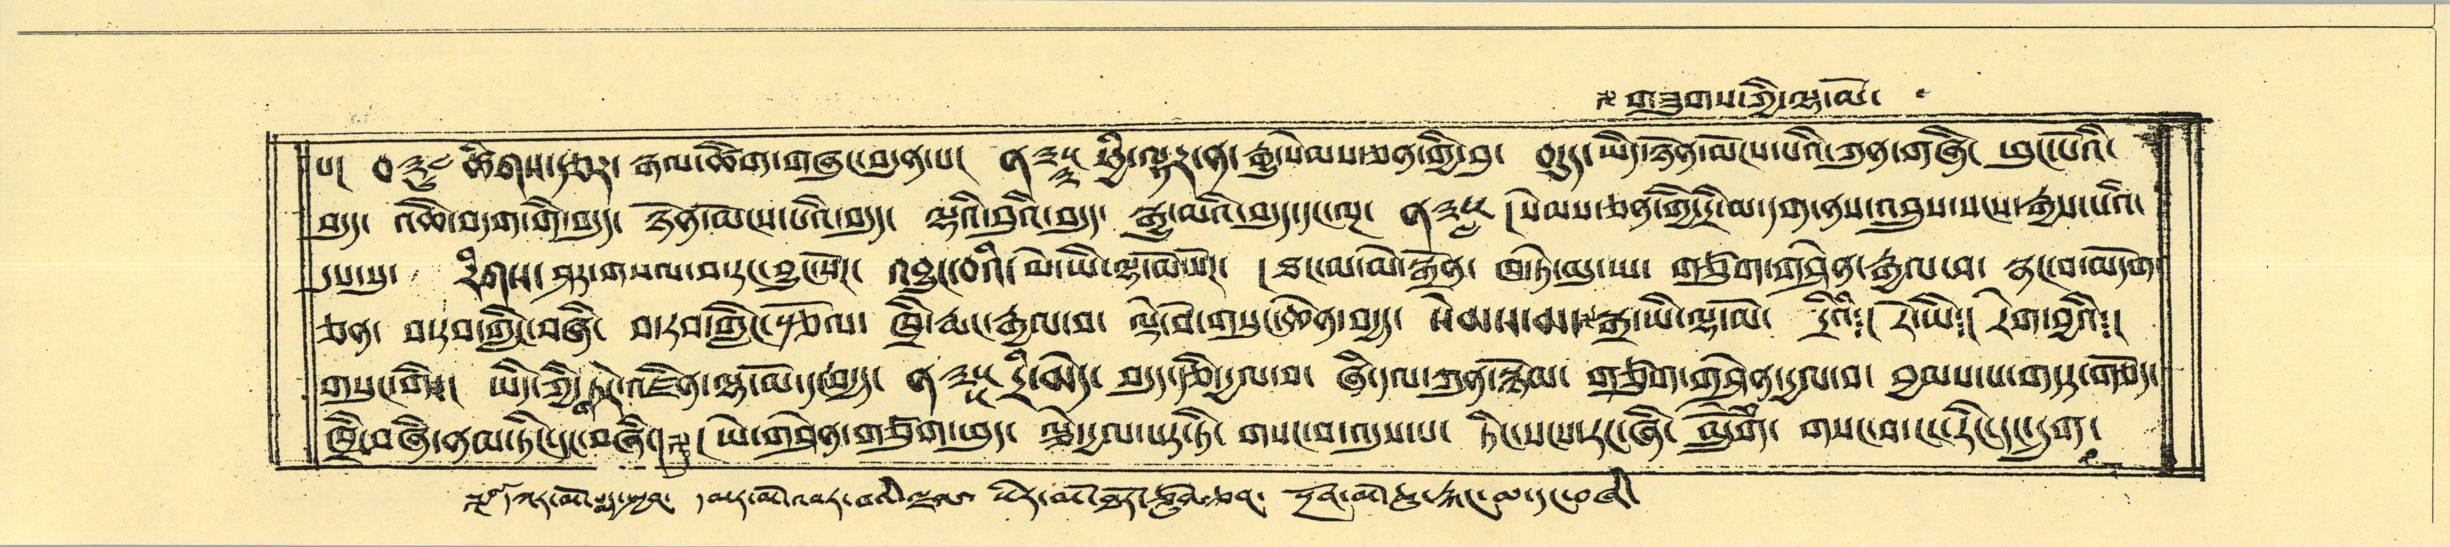པ། བ༣༤།༦༼ཚིགས་རྩར༽སྒལ་ཚིག་གཞུང་བདུན་པ་ ན༣༥།༣༼ཕྱི་ལྟར་ན༽རྒྱུ་སེམས་ཅན་གྱི་བུ་ ༼བདུད༽ཡིད་ཉོན་མོངས་པའི་ཀུན་གཞི་ ཕུང་པོའི་
བདུད་ འཆི་བདག་གི་བདུད་ ཉོན་མོངས་པའི་བདུད་ ལྷའི་བུའི་བདུད་ སྒྱུ་མའི་བདུད་དང་ལྔ་ ན༣༥།༤སེམས་ཅན་གྱི་དྲི་མ་དག་ནས་སངས་རྒྱས་པའི་
དུས་སུ་༼རིགས༽ཤར་གསལ་བ་རང་འབྱུང་སོགས་༼འབྱུང་བའི༽མེ་ཡི་ལྷ་མོ་སོགས། ཐང་མ་མེ་སྒྲོན་ ཁ་ཏེ་མུ་ཡ་ གཙུག་གཤེན་རྒྱལ་བ་ སྣང་བ་མདོག་
ཅན་ བ་རབ་གླིང་གཞི་ བ་རབ་གླིང་རྩོལ་ ཁྲི་རྨང་རྒྱལ་བ་ ལྡེ་བོ་གསུང་ཆེན་བརྒྱུད།༼སེམས་མ༽སྒྲ་ཡི་ལྷ་མོ་ དྲི་ཡི་ལྷ་མོ་རོ་ཡི་ལྷ་མོ་རེག་བྱའི་ལྷ་མོ་
གསུང་གི་ ཡིད་ཀྱི་ལྷ་མོ་གཏེར་འཛིན་ལྷ་མོ་དང་བརྒྱད་ ན༣༥།༥༼དྲི་མེད༽བདུད་རྩི་རྒྱལ་བ་ ཞི་དལ་ཀུན་སྙོམས་ གཙུག་གཤེན་རྒྱལ་བ་ བྱམས་པ་གདར་གཅོད་
ཁྲི་བཞི་ནམ་ཏིང་དང་བཞི་དཀར་མོ་པདྨ་སྤྱན་དམར་མོ་འབར་བའི་ལྗགས་སེར་མོ་ཐོར་ཙུག་ཅན་སྔོན་མོ་ཆུ་རྐང་མ་དང་བཞི། ཡེ་གཤེན་གཙུག་ཕུད་ལྕེ་རྒྱལ་པར་ཏི་གསང་བ་འདུས་པ་ཏི་སངས་རང་ཞི་མོ་ཆོ་ལྡེམ་དྲུག་གསང་བ་ངང་རིང་དང་དྲུག་